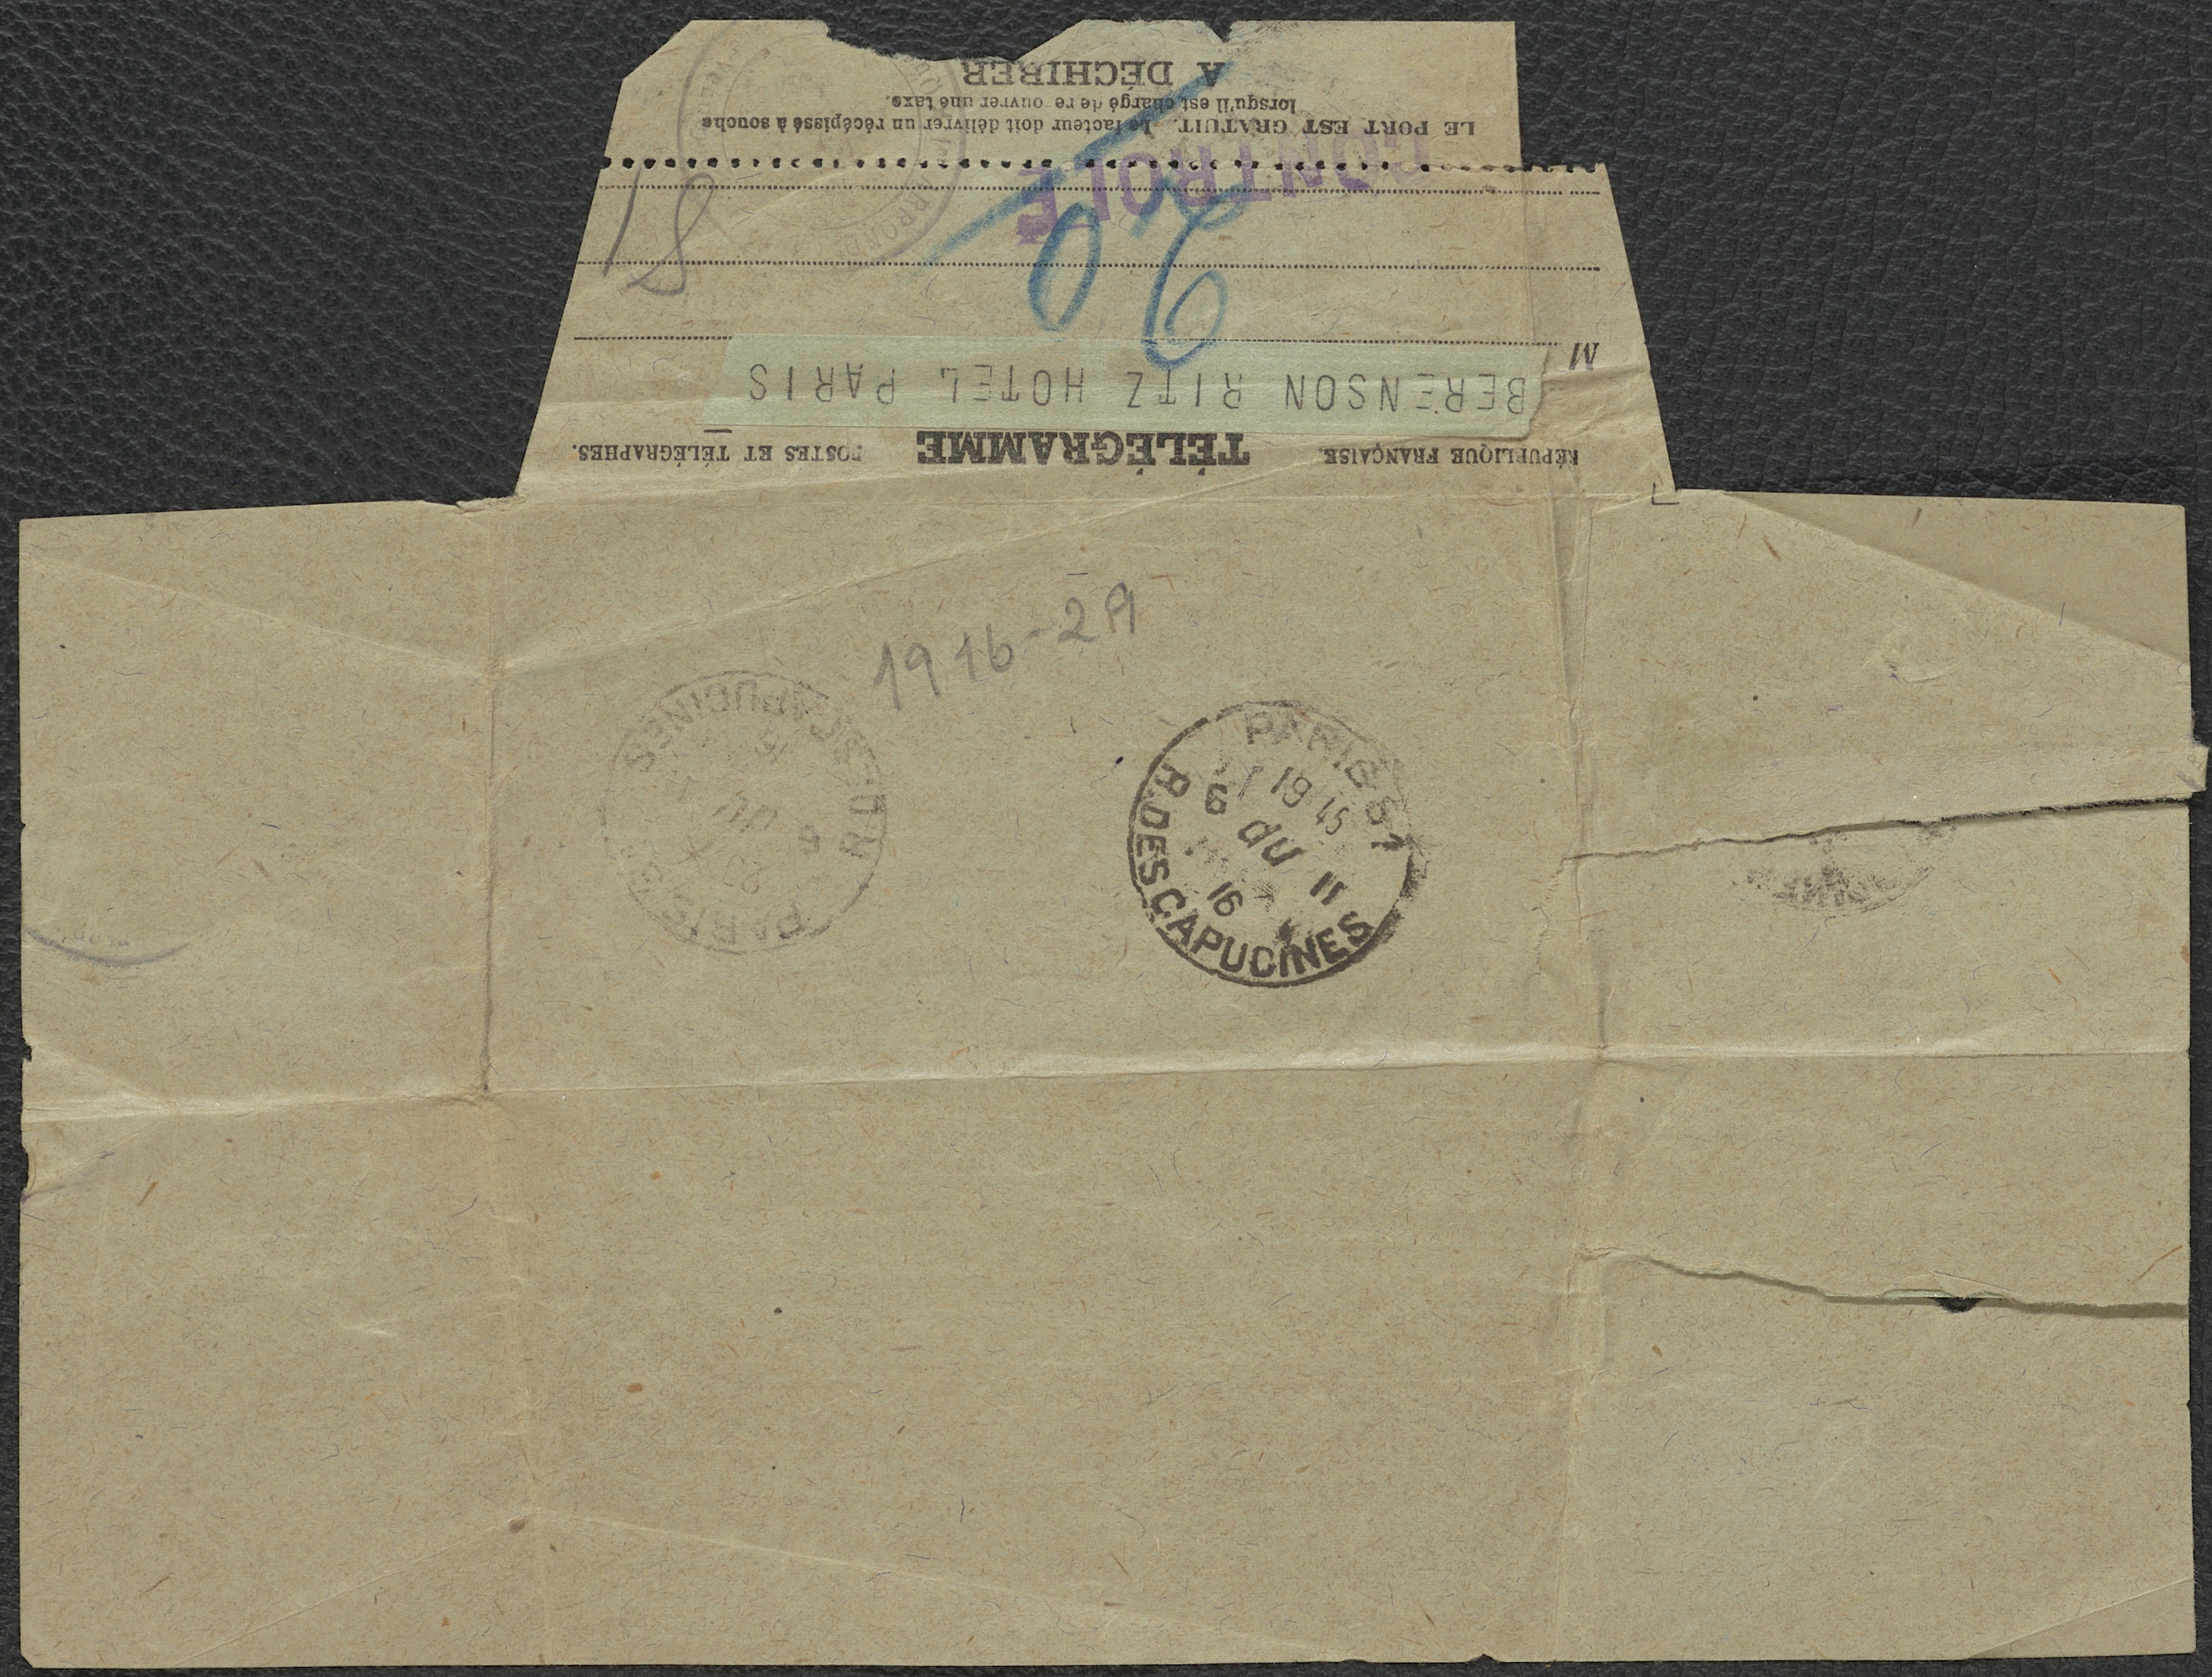BERENSON RITZ HOTEL PARIS